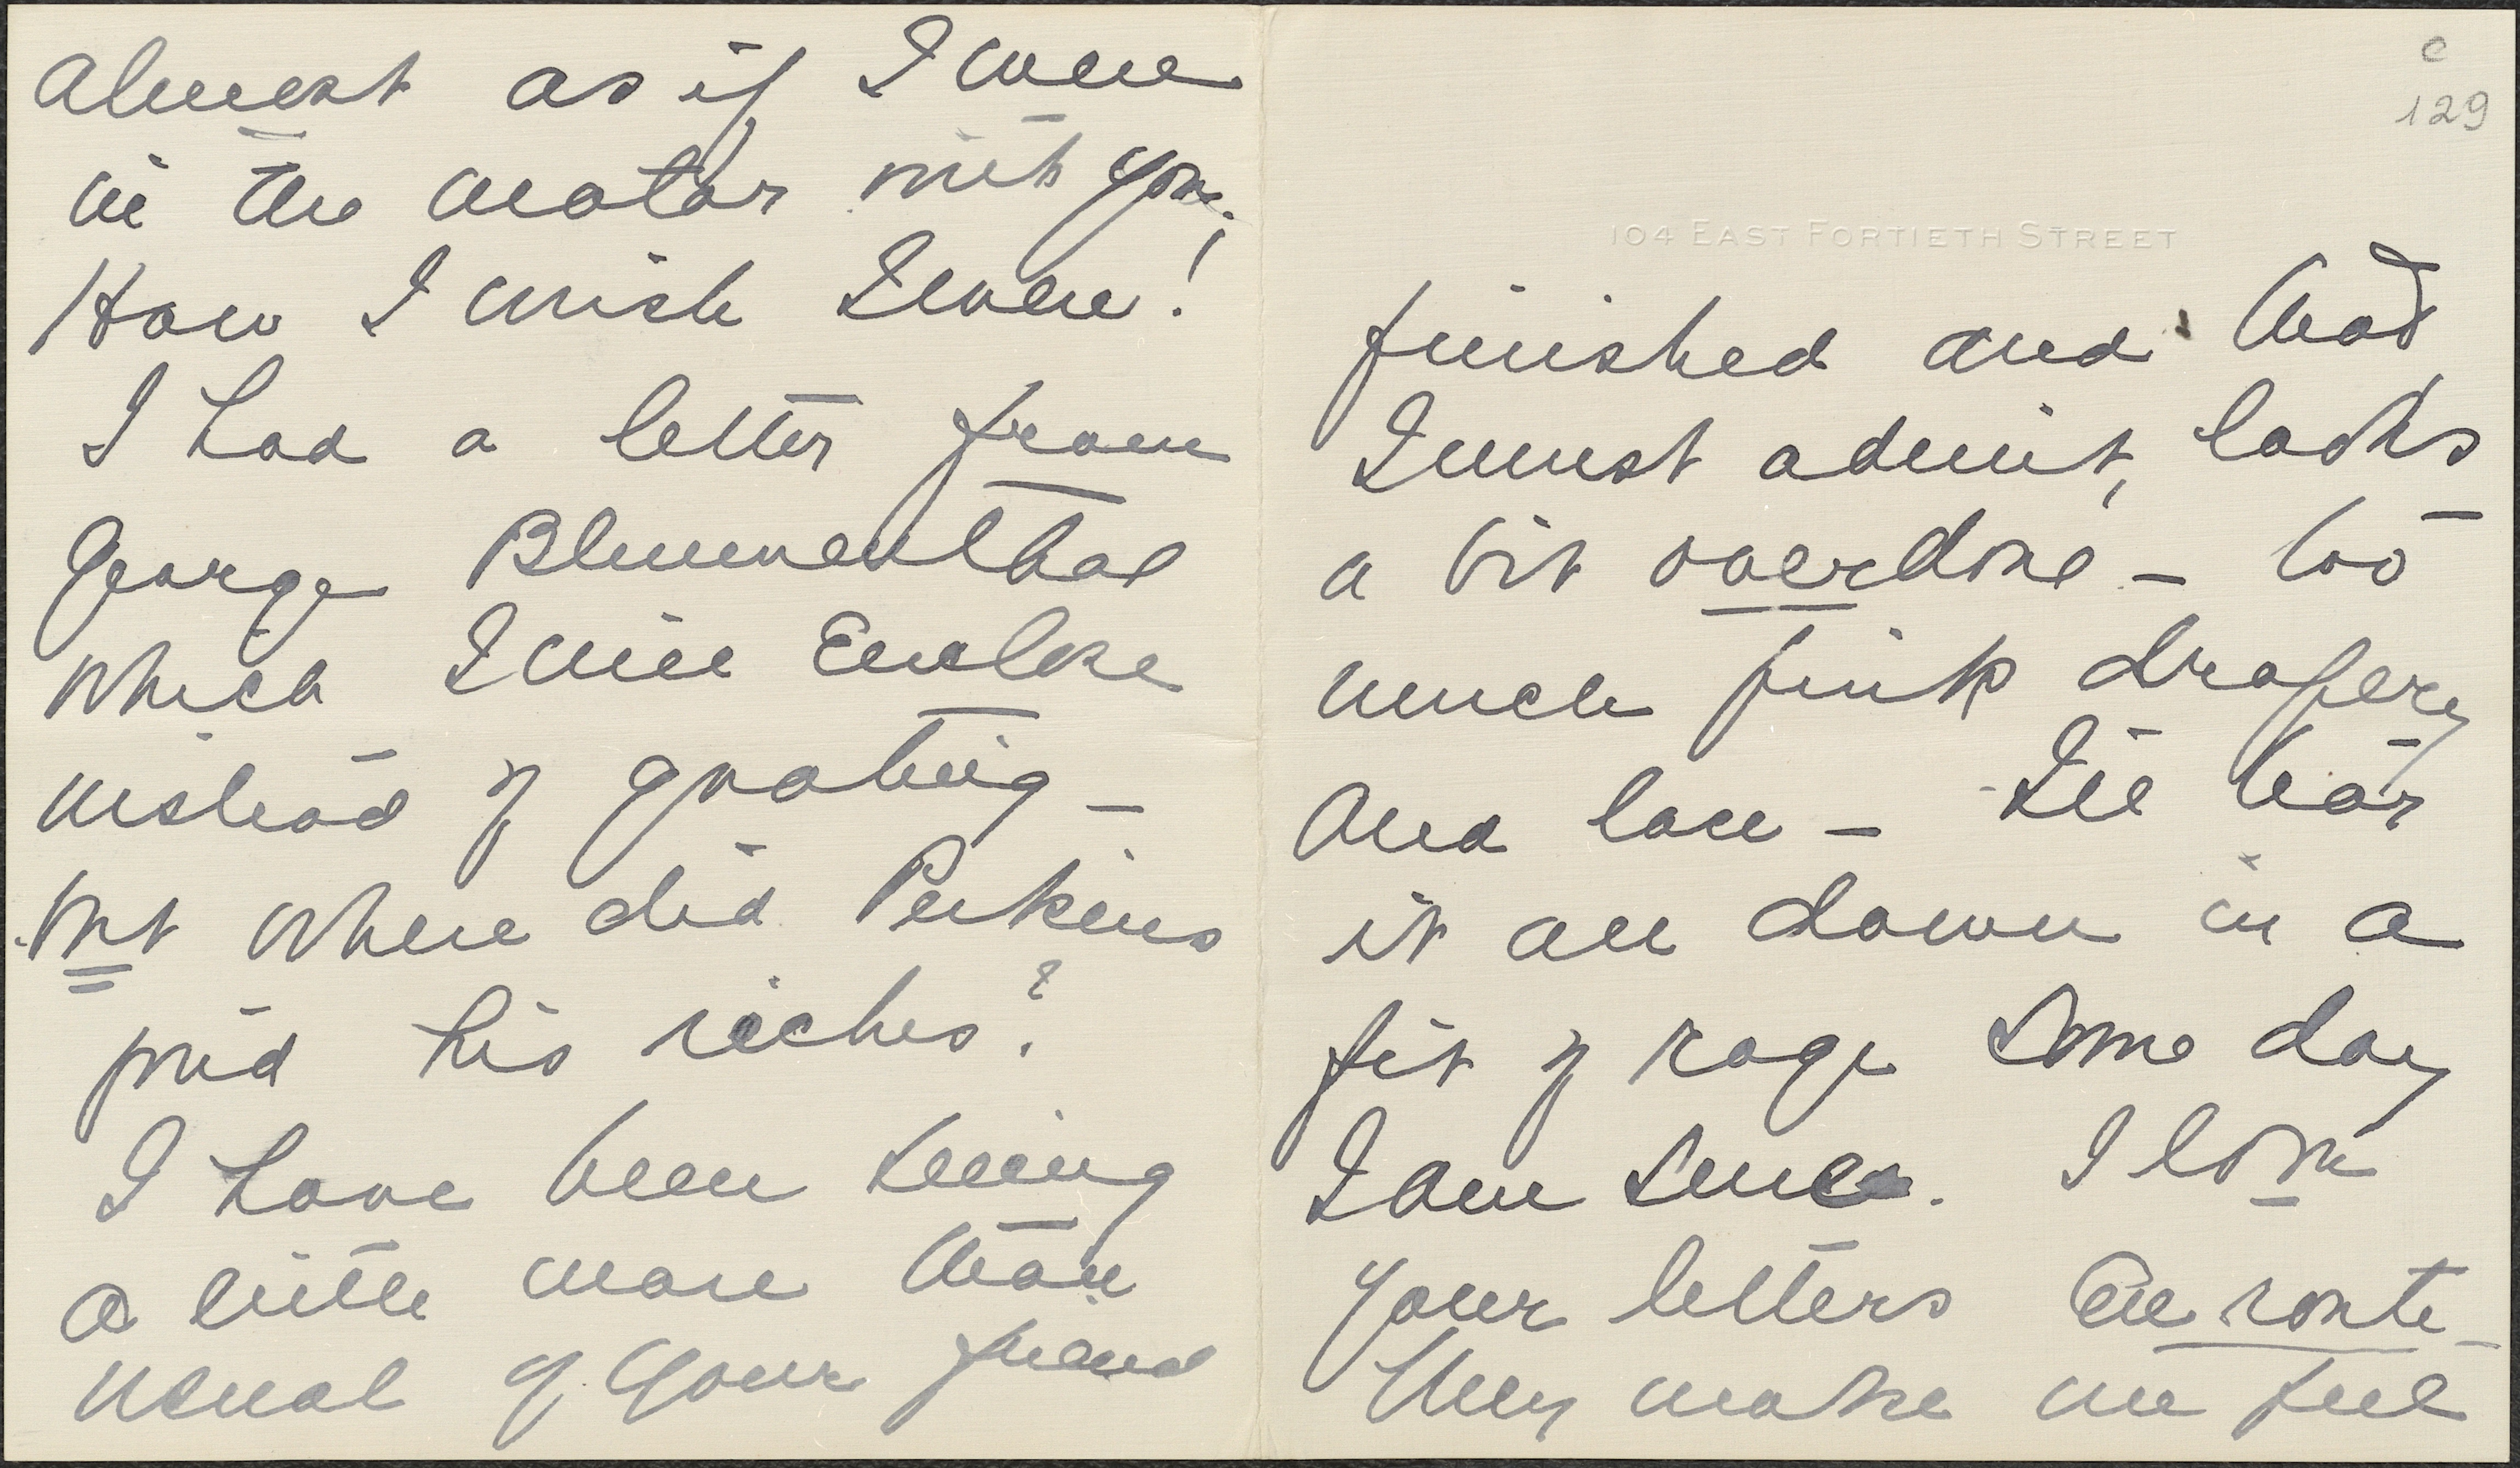finished and that I must admit, looks a bit overdone – too much pink drapery and lace – I’ll tear it all down in a fit of rage some day I am sure. I love your letters en route – They make me feel
almost as if I were in the motor with you. How I wish I were! I had a letter from George Blumenthal which I will enclose instead of quoting – [double underlined: but] where did Perkins find his riches?
I have been seeing a little more than usual for your friend